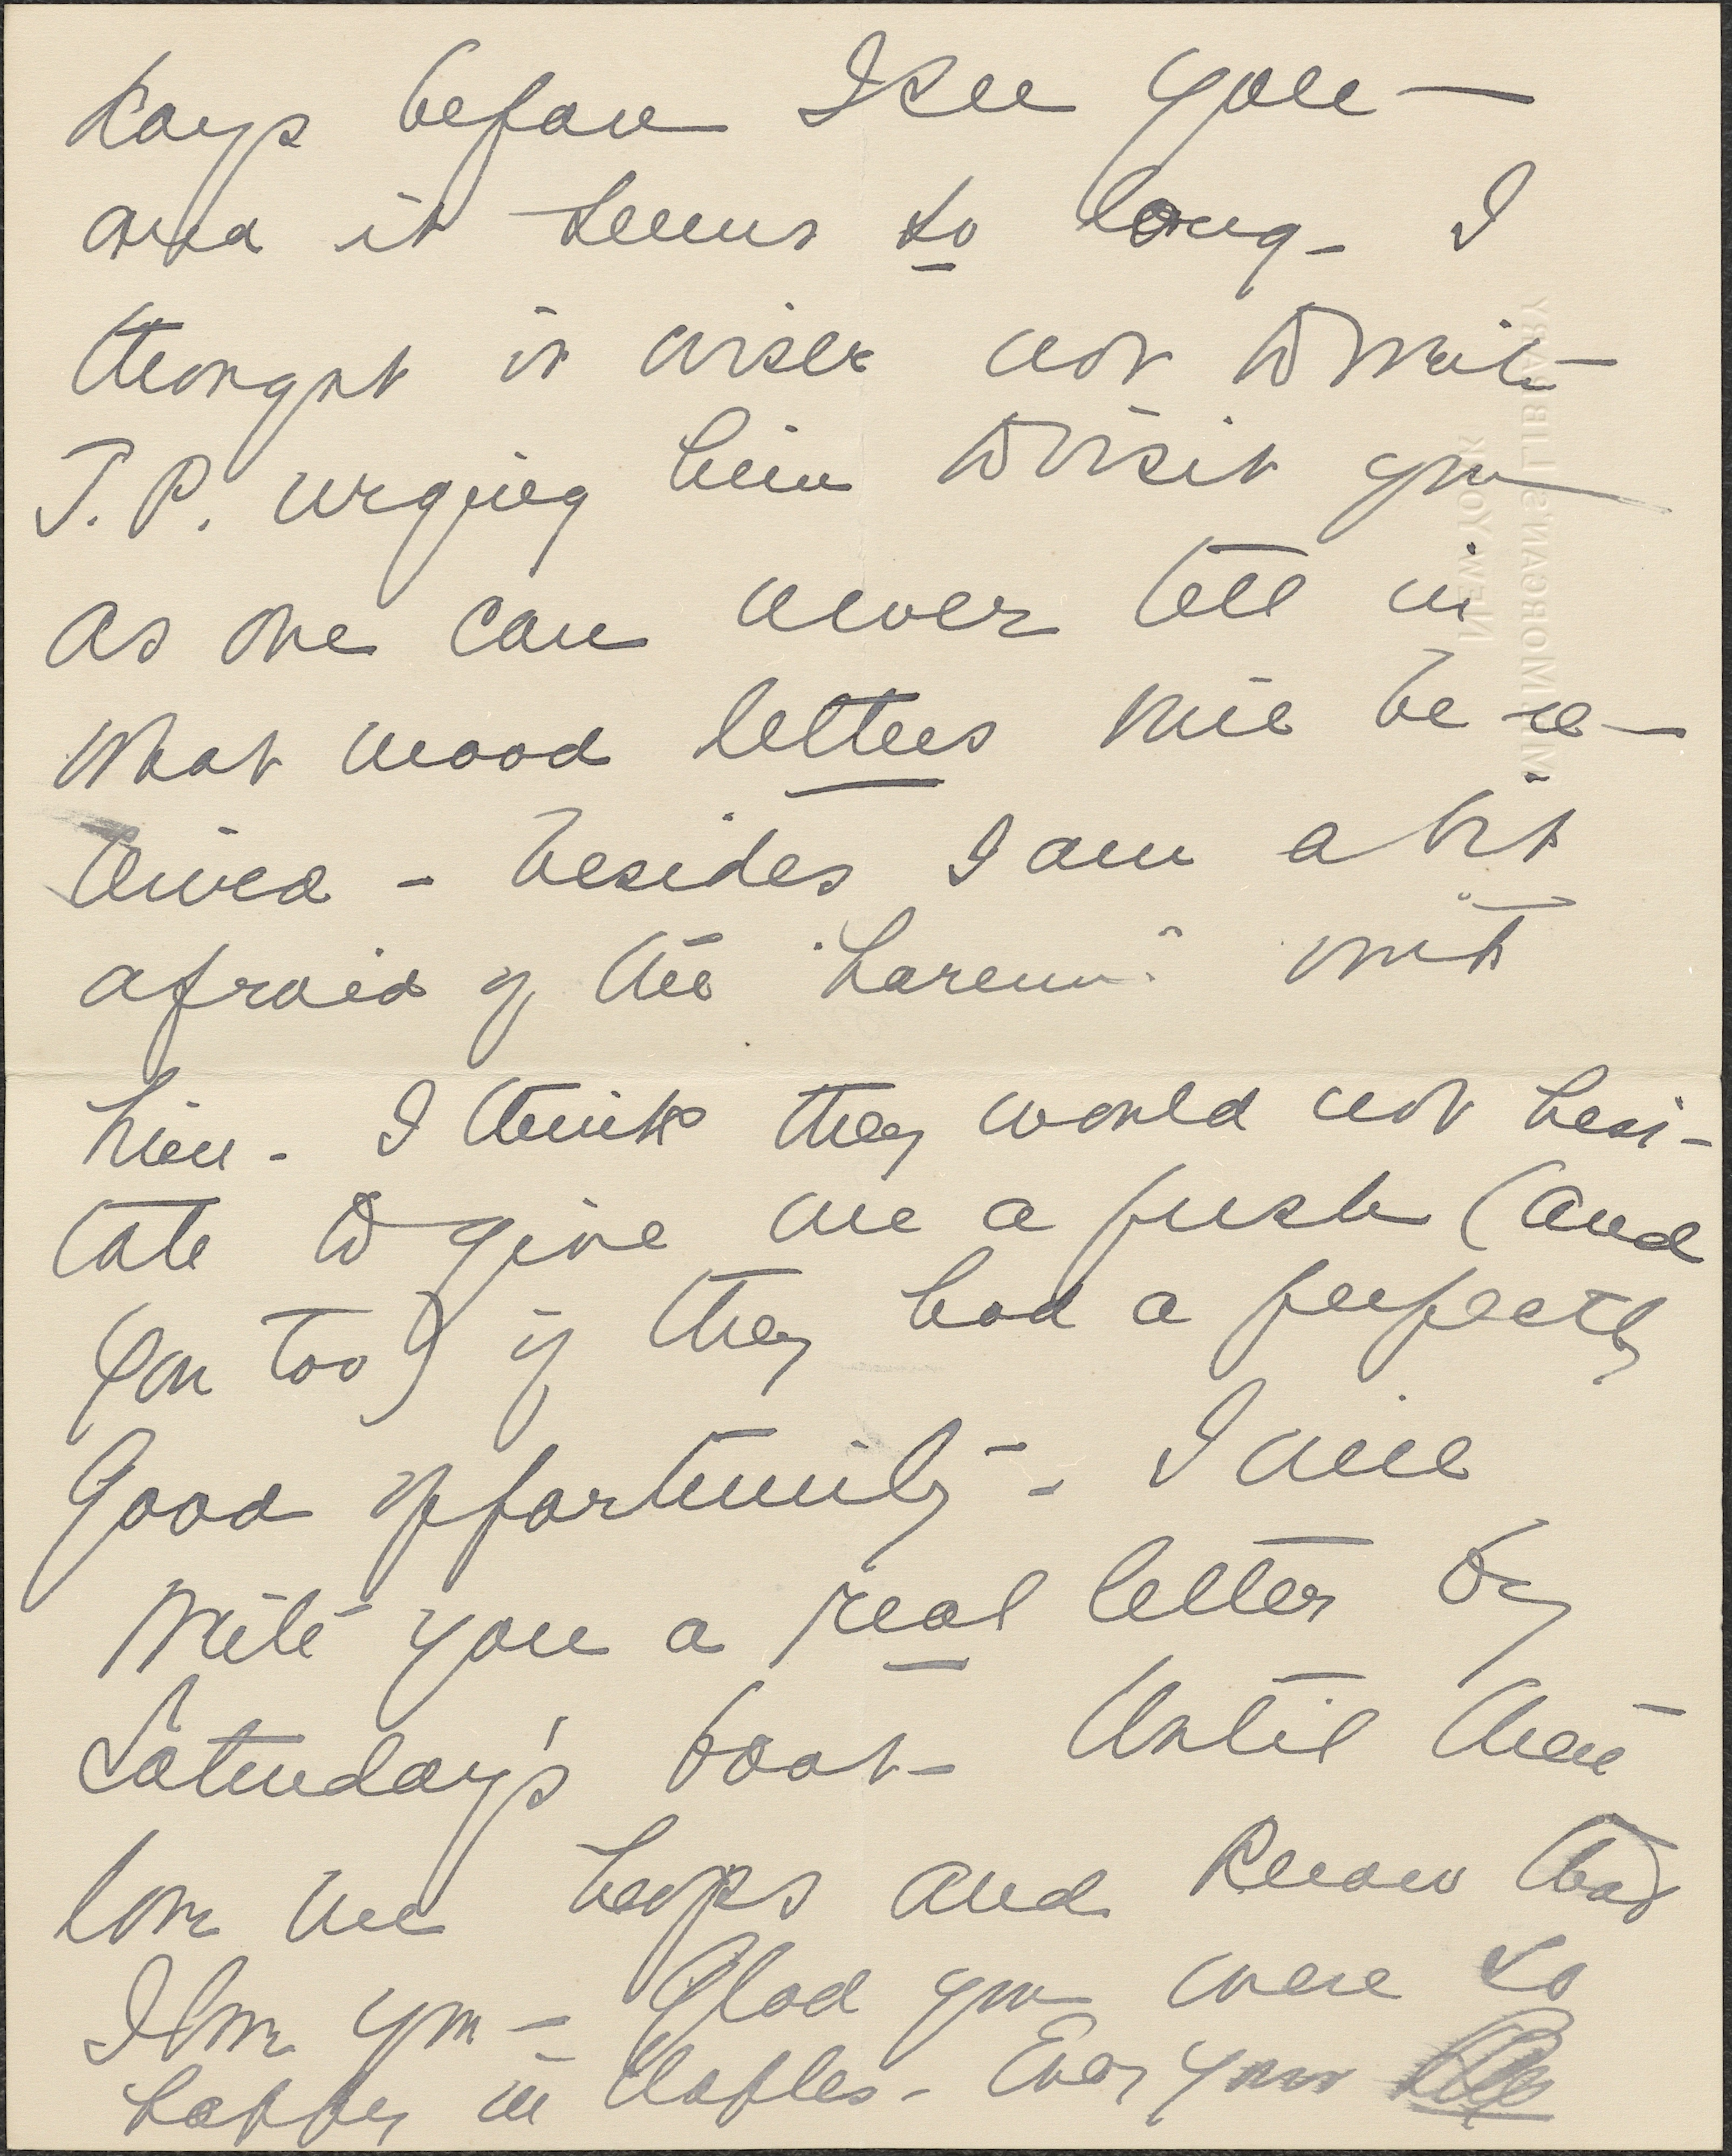days before I see you – and it seems so long – I thought it wiser not to write J. P. urging him to visit you as one can never tell in what mood letters will be received – besides I am a bit afraid of the “harem” with him. I think they would not hesitate to give me a push (and you too) if they had a perfectly good opportunity – I will write you a real letter by Saturday’s boat – Until then love me heaps and know that I love you – Glad you were so happy in Naples – Ever Your Belle